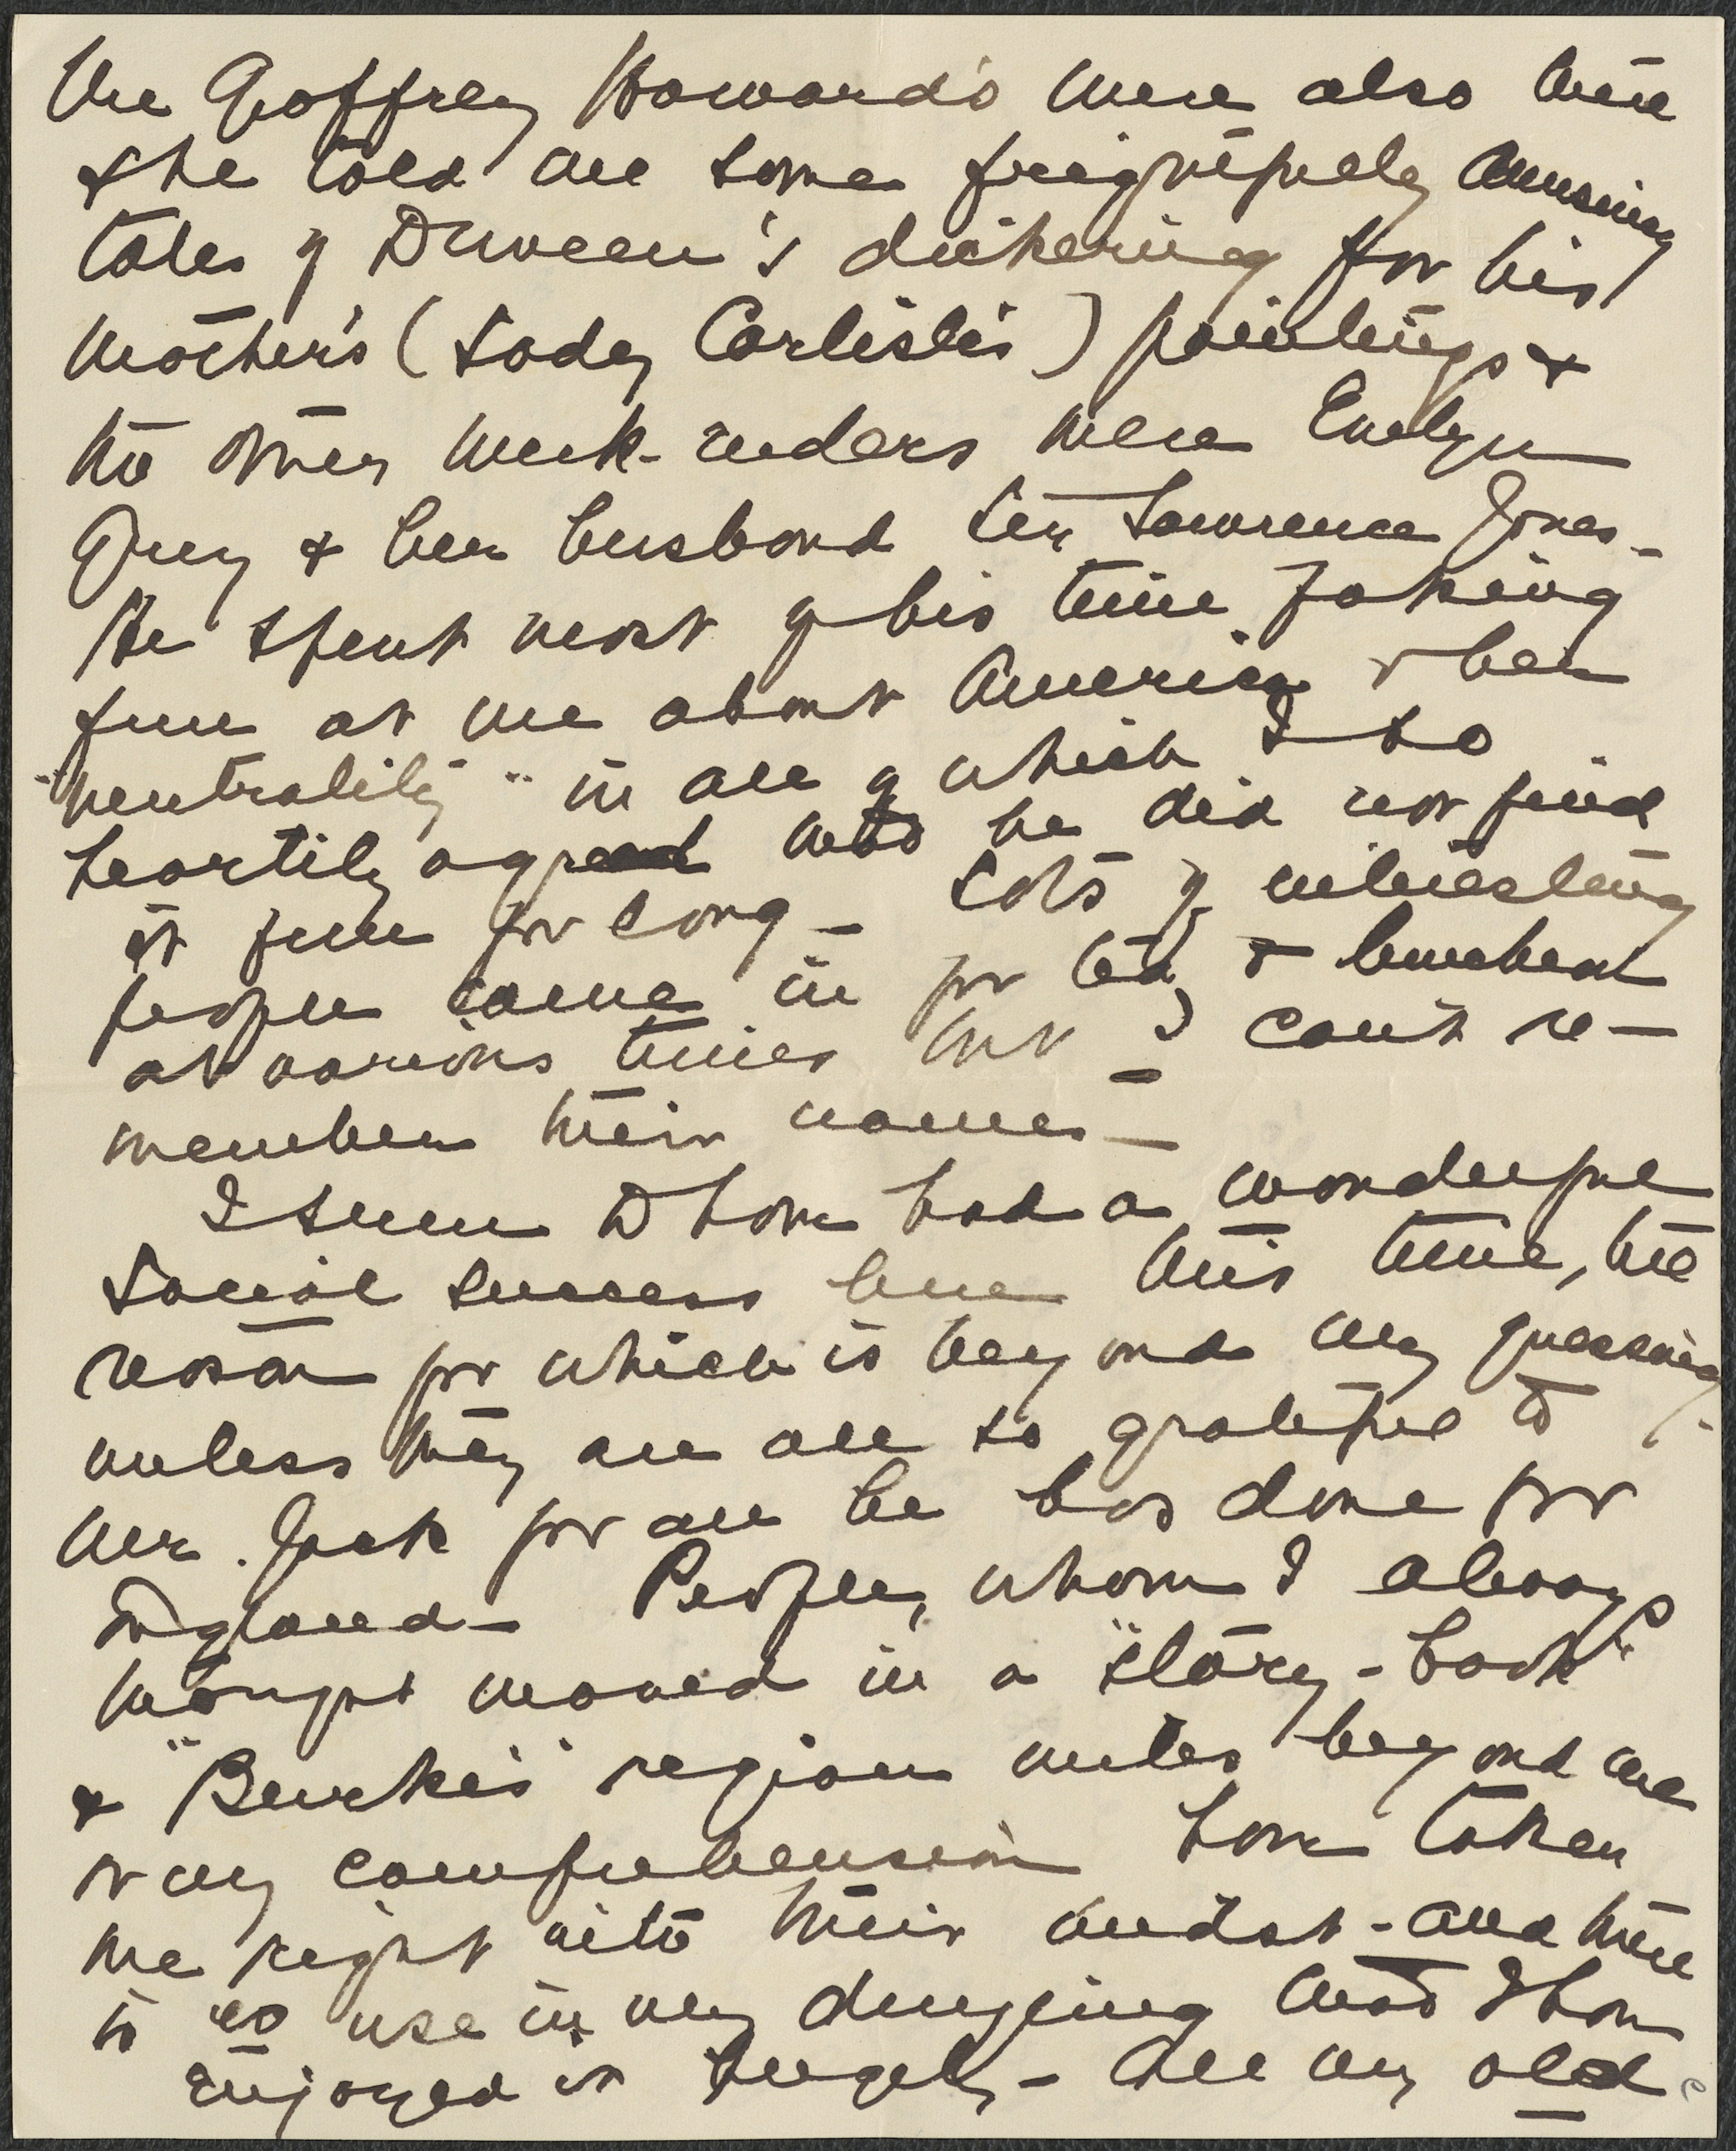the Geoffrey Howard’s were also there & she told me some frightfully amusing tales of Duveen’s dickering for his mother’s (Lady Carlisle’s) paintings & the other week-enders were Evelyn Grey & her husband Sir Lawrence Jones – He spent most of his time poking fun at me about America & her “neutrality” in all of which I so heartily agreed that he did not find it fun for long – Lots of interesting people came in for tea & luncheon at various times but I can’t remember their names –
I seem to have had a wonderful social success here this time, the reason for which is beyond my guessing, unless they are all so grateful to Mr. Jack for all he has done for England – People whom I always thought moved in a “story-book” & “Burke’s” region miles beyond me or my comprehension have taken me right into their arms – and there is no use in my denying that I have enjoyed it hugely – All my old